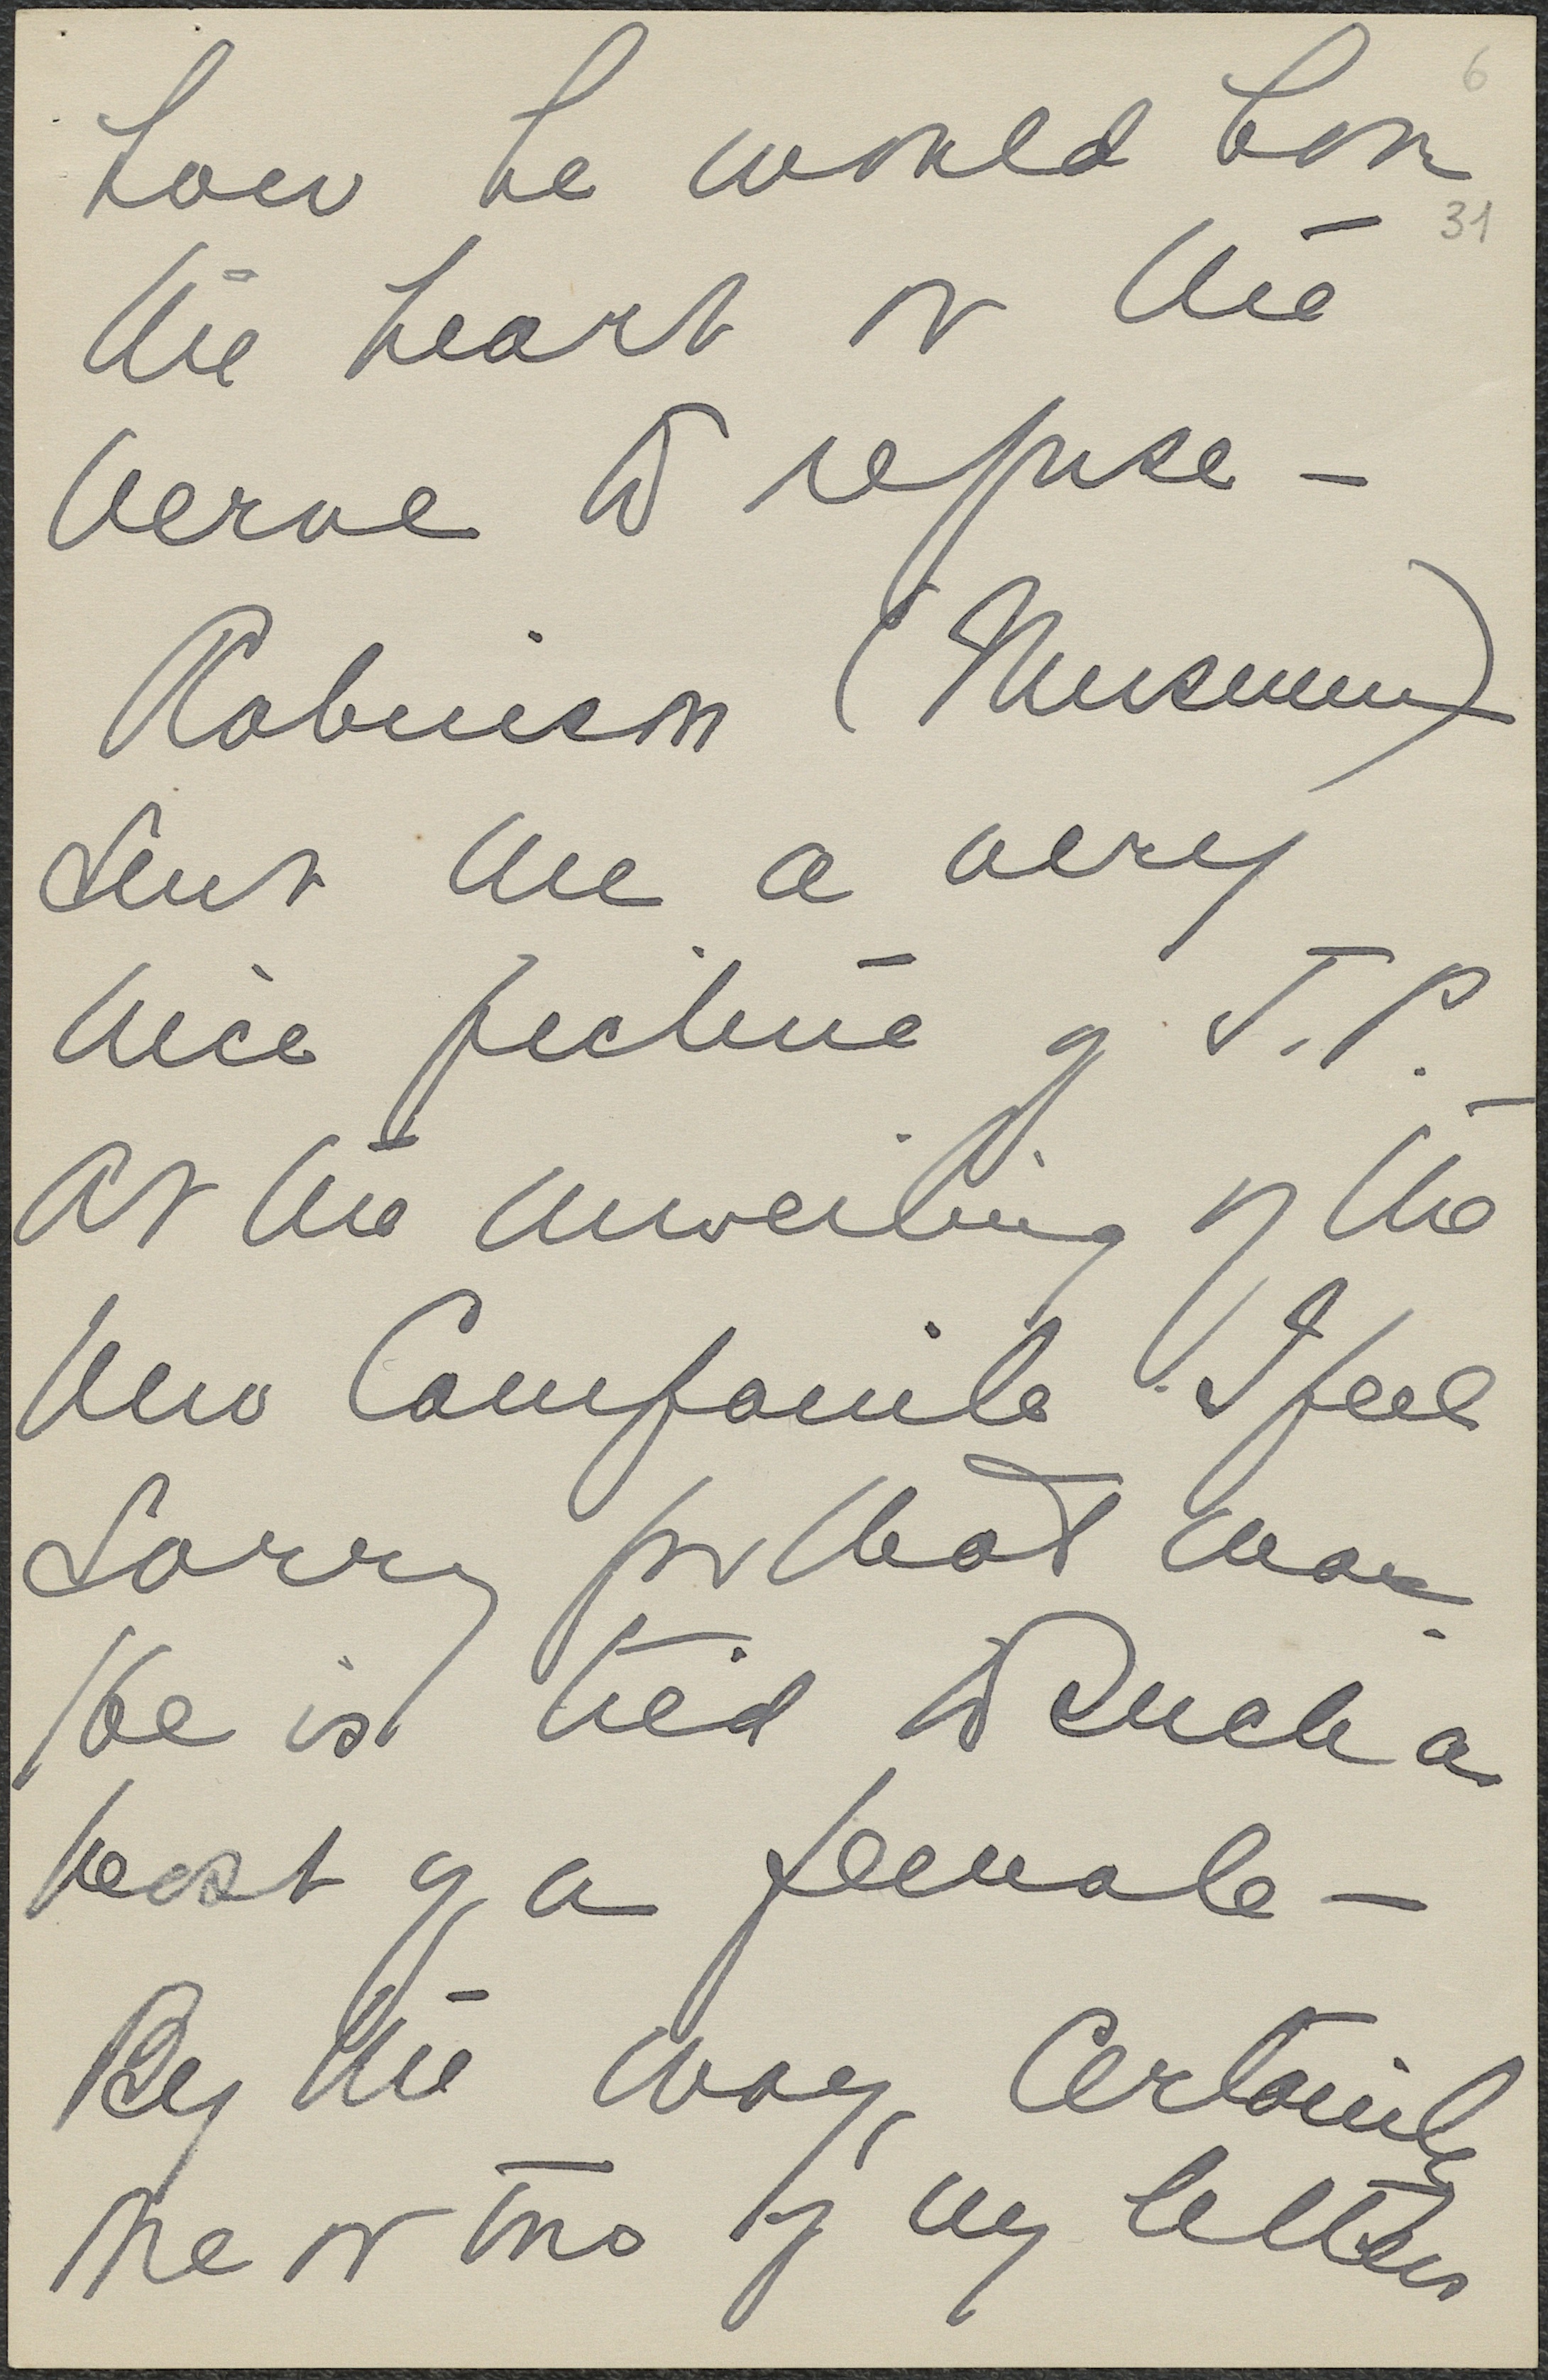how he would have the heart or the nerve to refuse – Robinson (Museum) sent me a very nice picture of J. P. at the unveiling of the new Campanile. I feel sorry for that man
He is tied to such a beast of a female – By the way, certainly one or two of my letters